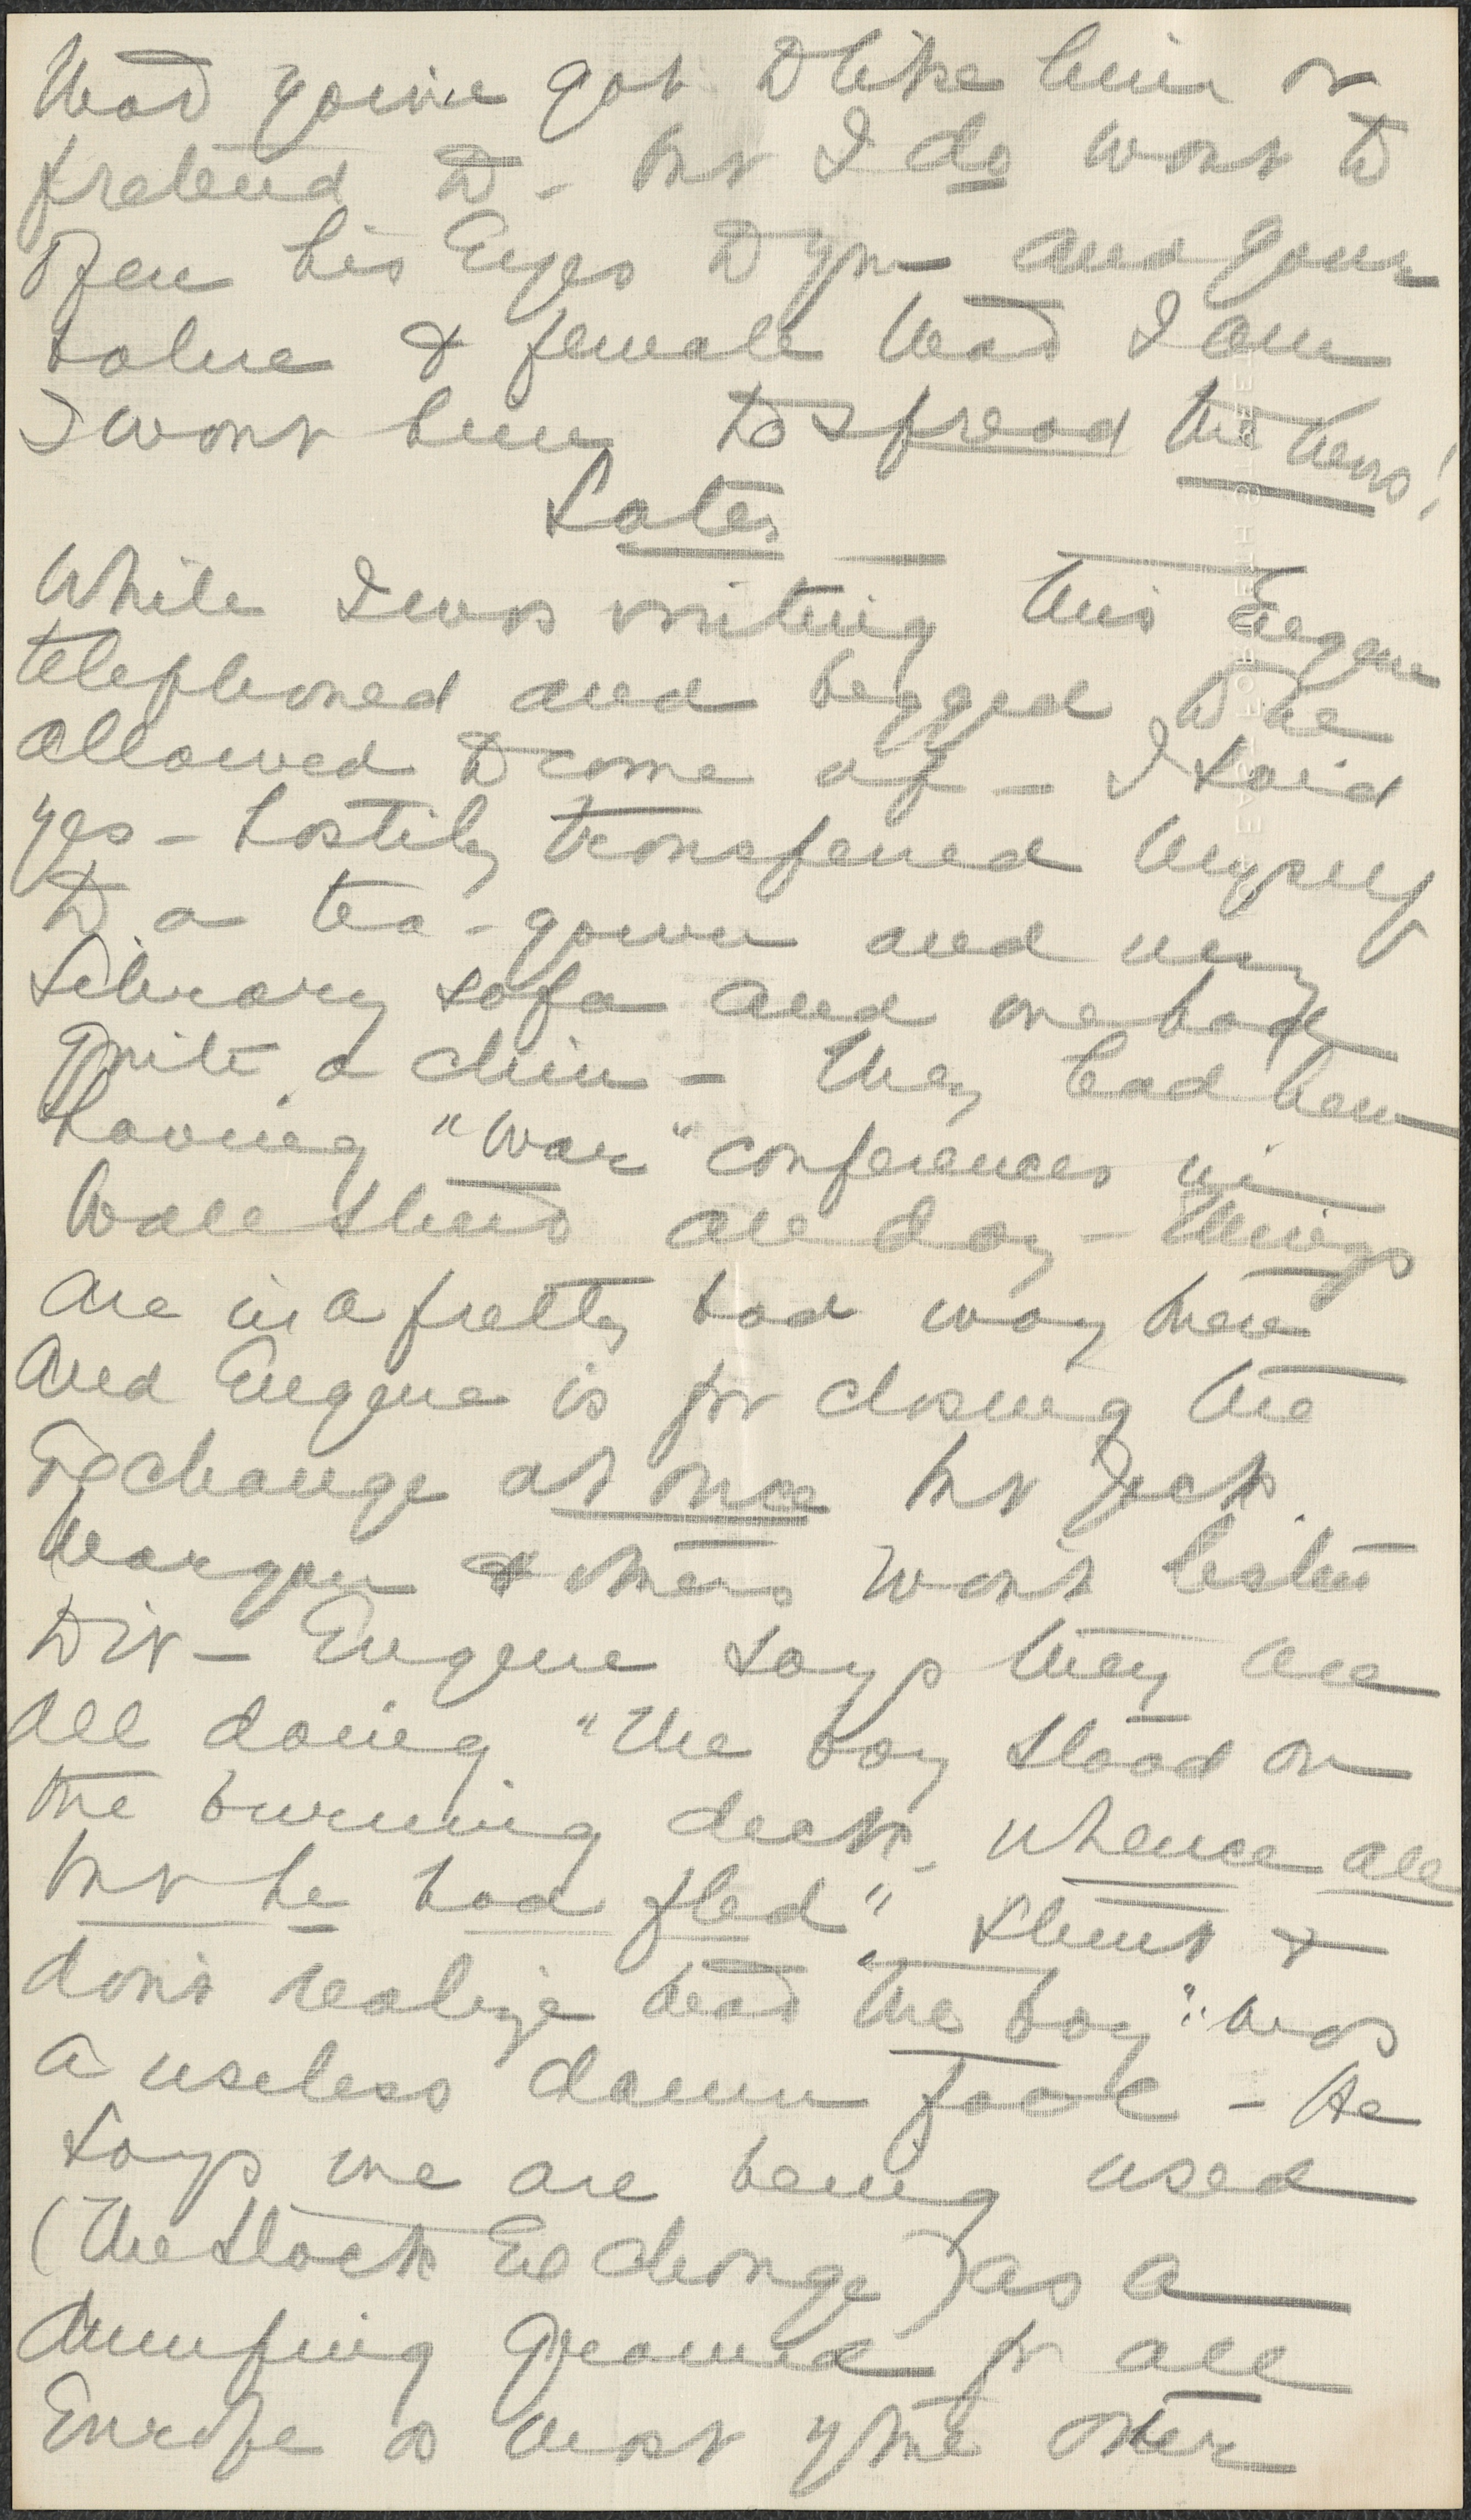that you’ve got to like him or pretend to – but I do want to open his eyes to you and your value & female that I am I want him to spread the news!
Later –
While I was writing this Eugene telephoned and begged to be allowed to come up – I said yes – hastily transferred myself to a tea-gown and my Library sofa and we had quite a chin – They had been having “war” conferences in Wall Street all day – things are in a pretty bad way there and Eugene is for closing the exchange at once but Jack Morgan & others won’t listen to it – Eugene says they are all doing “The boy stood on the burning deck, whence all but he had fled” stunt & don’t realize that “the boy” was a useless damn fool – He says we are being used (The stock exchange) as a dumping ground for all Europe as most of the other